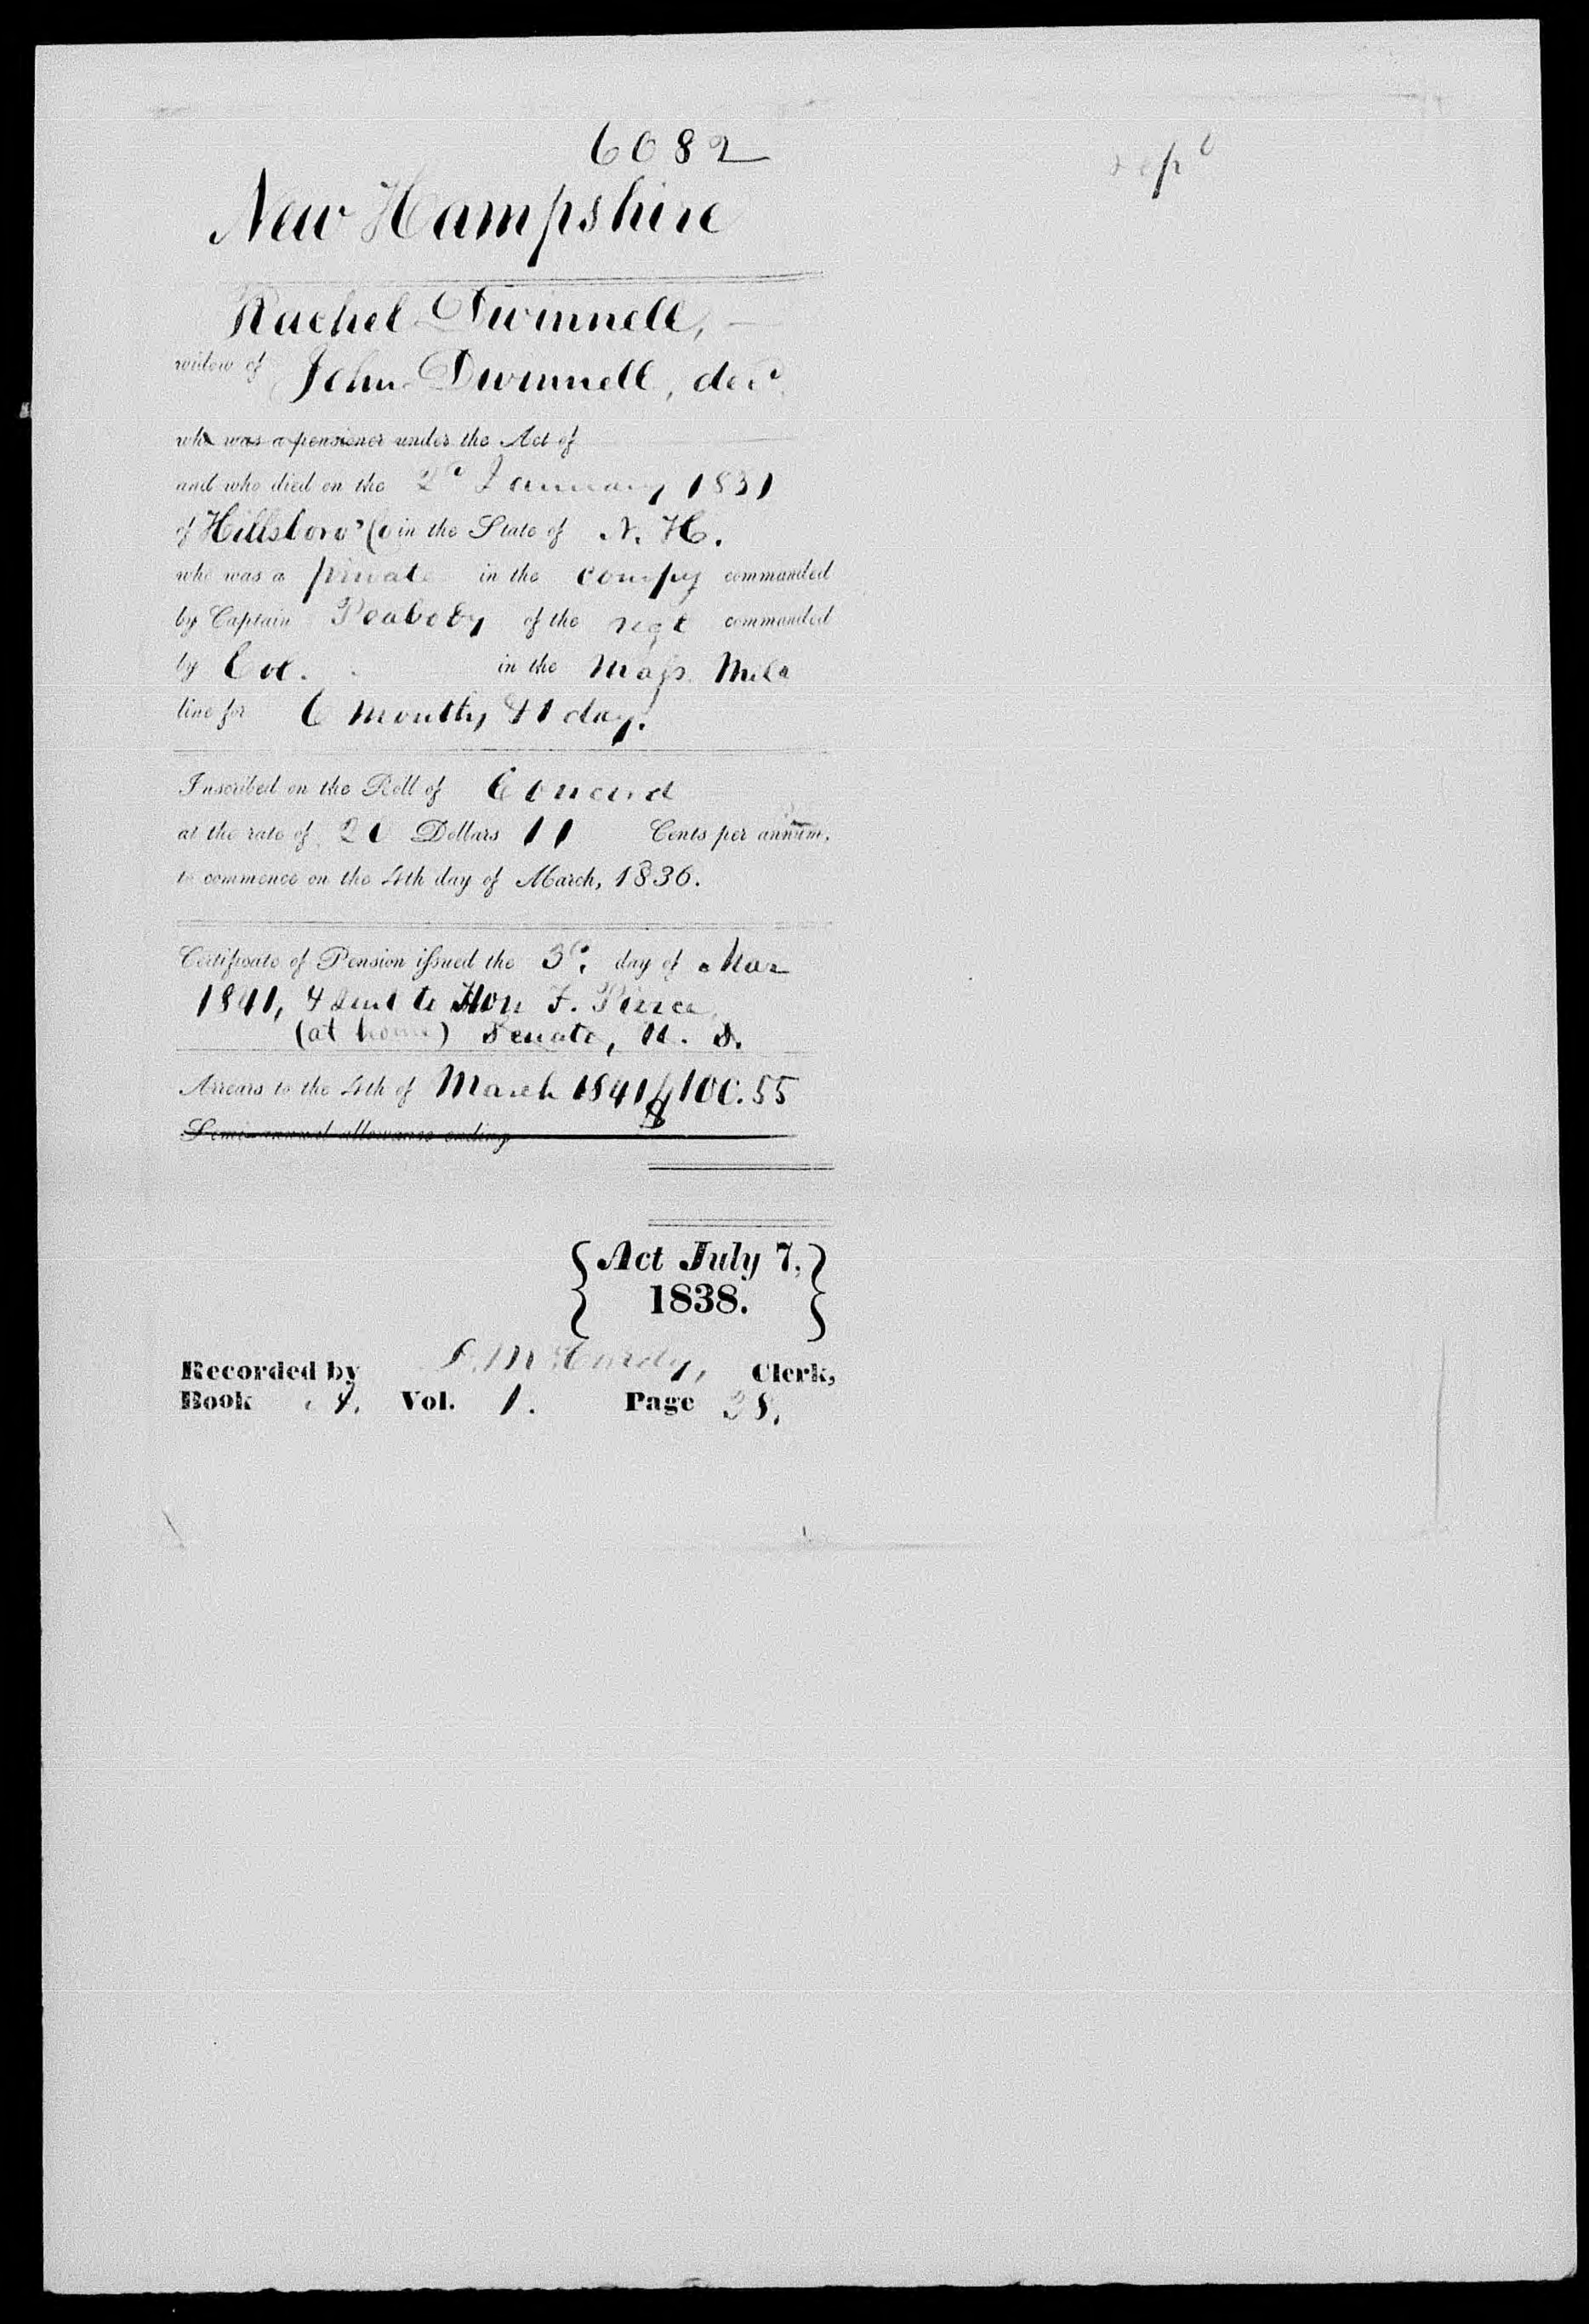6082
New Hampshire
Rachel Dwinnell
widow of John Dwinnell, dec
who was a pensioner under the Act of
and who died on the 2nd January 1831
of Hillsboro Co in the State of New Hampshire
who was a private in the country commanded
by Captain Peabody of the [unknown] commanded by Col. in the Maj [unknown] line for 6 months, 11 days.
inscribed on the Roll of Concord
at the state of 20 Dollars 11 Cents per annum to commence on the 4th day of March, 1836.
Certificate of Pension issued the 3rd day of Mar 1841, [unknown] Pizzea (at house) Senate, [unknown]
Arrears to the 4th of March 1841 $100.55
[begin crossed out portion] semi-annual allowance ending [end crossed out portion]
Act July 7, 1838
Recorded by [illegible] Clerk,
Book, 4, Vol 1. Page 38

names: F Peirce, John Dwinnell, Peabody, S Mc Curdy, Rachel Dwinnell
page: 11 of 22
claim: widow's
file: W. 22984, John Dwinnell, Mass.